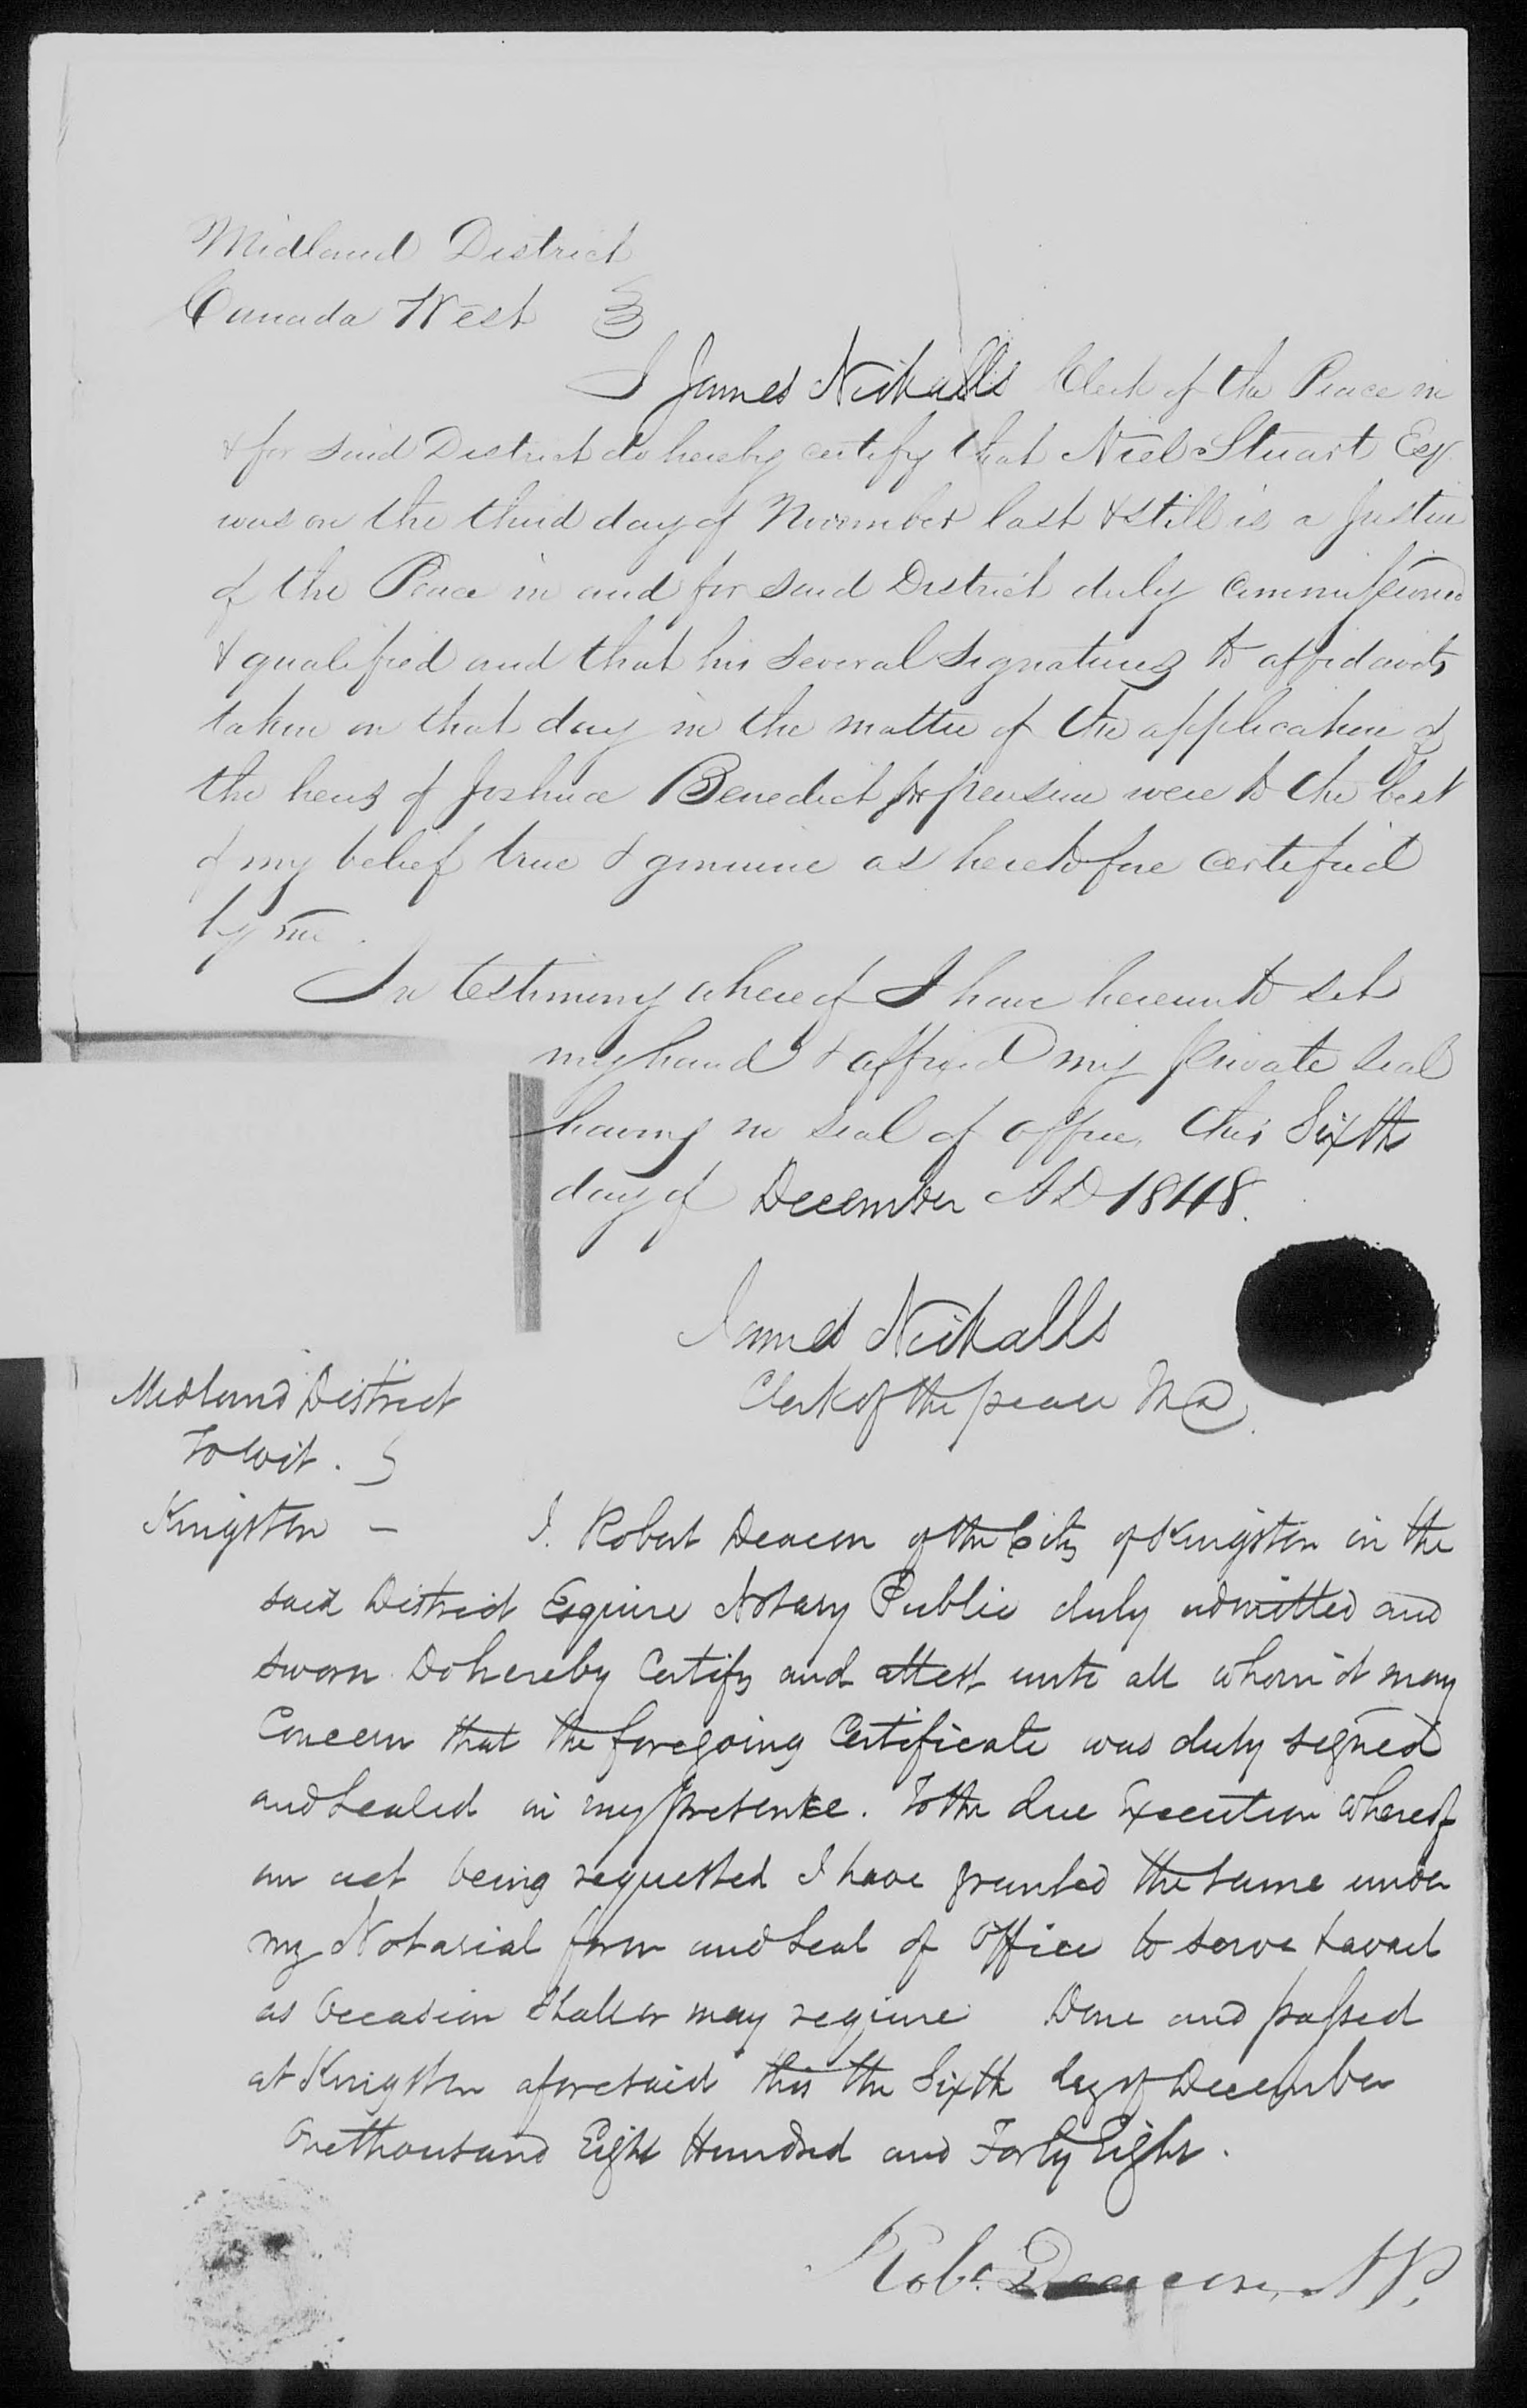Midland District
Canada West

I James Nickolls Clerk of the Peace in & for said District do hereby certify that Niel Stewart Esq was on the third day of November last & still is a Justice of the Peace in and for said District duly commissioned & qualified and that his several signatures to affidavits taken on that day in the matter of the application of the heirs of Joshua Benedict for pension were to the best of my belief true & genuine as heretofore certified by me.
In testimony whereof I have herewith set my hand & affixed my private seal having no seal of office this Sixth day of December AD 1848.

James Nickolls
Clerk of the peace MC

Midland District
To wit.
Kingston - I, Robert Deacon of the City of Kingston in the said District Esquire Notary Public duly admitted and sworn Do hereby Certify and attest, unto all whom in may Concern that the foregoing Certificate was duly signed and sealed in my presence. To the due Execution whereof an act being requested I have [illegible] the same under my Notarial form and seal of Office to serve [illegible] as Occasion shall or may require. Done and passed at Kingston aforesaid this the Sixth day of December One thousand Eight Hundred and Forty Eight.

Robert Deacon NP.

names: Robt Deacon, Joshua Benedict, James Nicholls, Niel Stuart, Robert Deacon, James Nicholls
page: 76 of 106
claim: survivor's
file: S 23,116., Joshua Benedict, Conn.